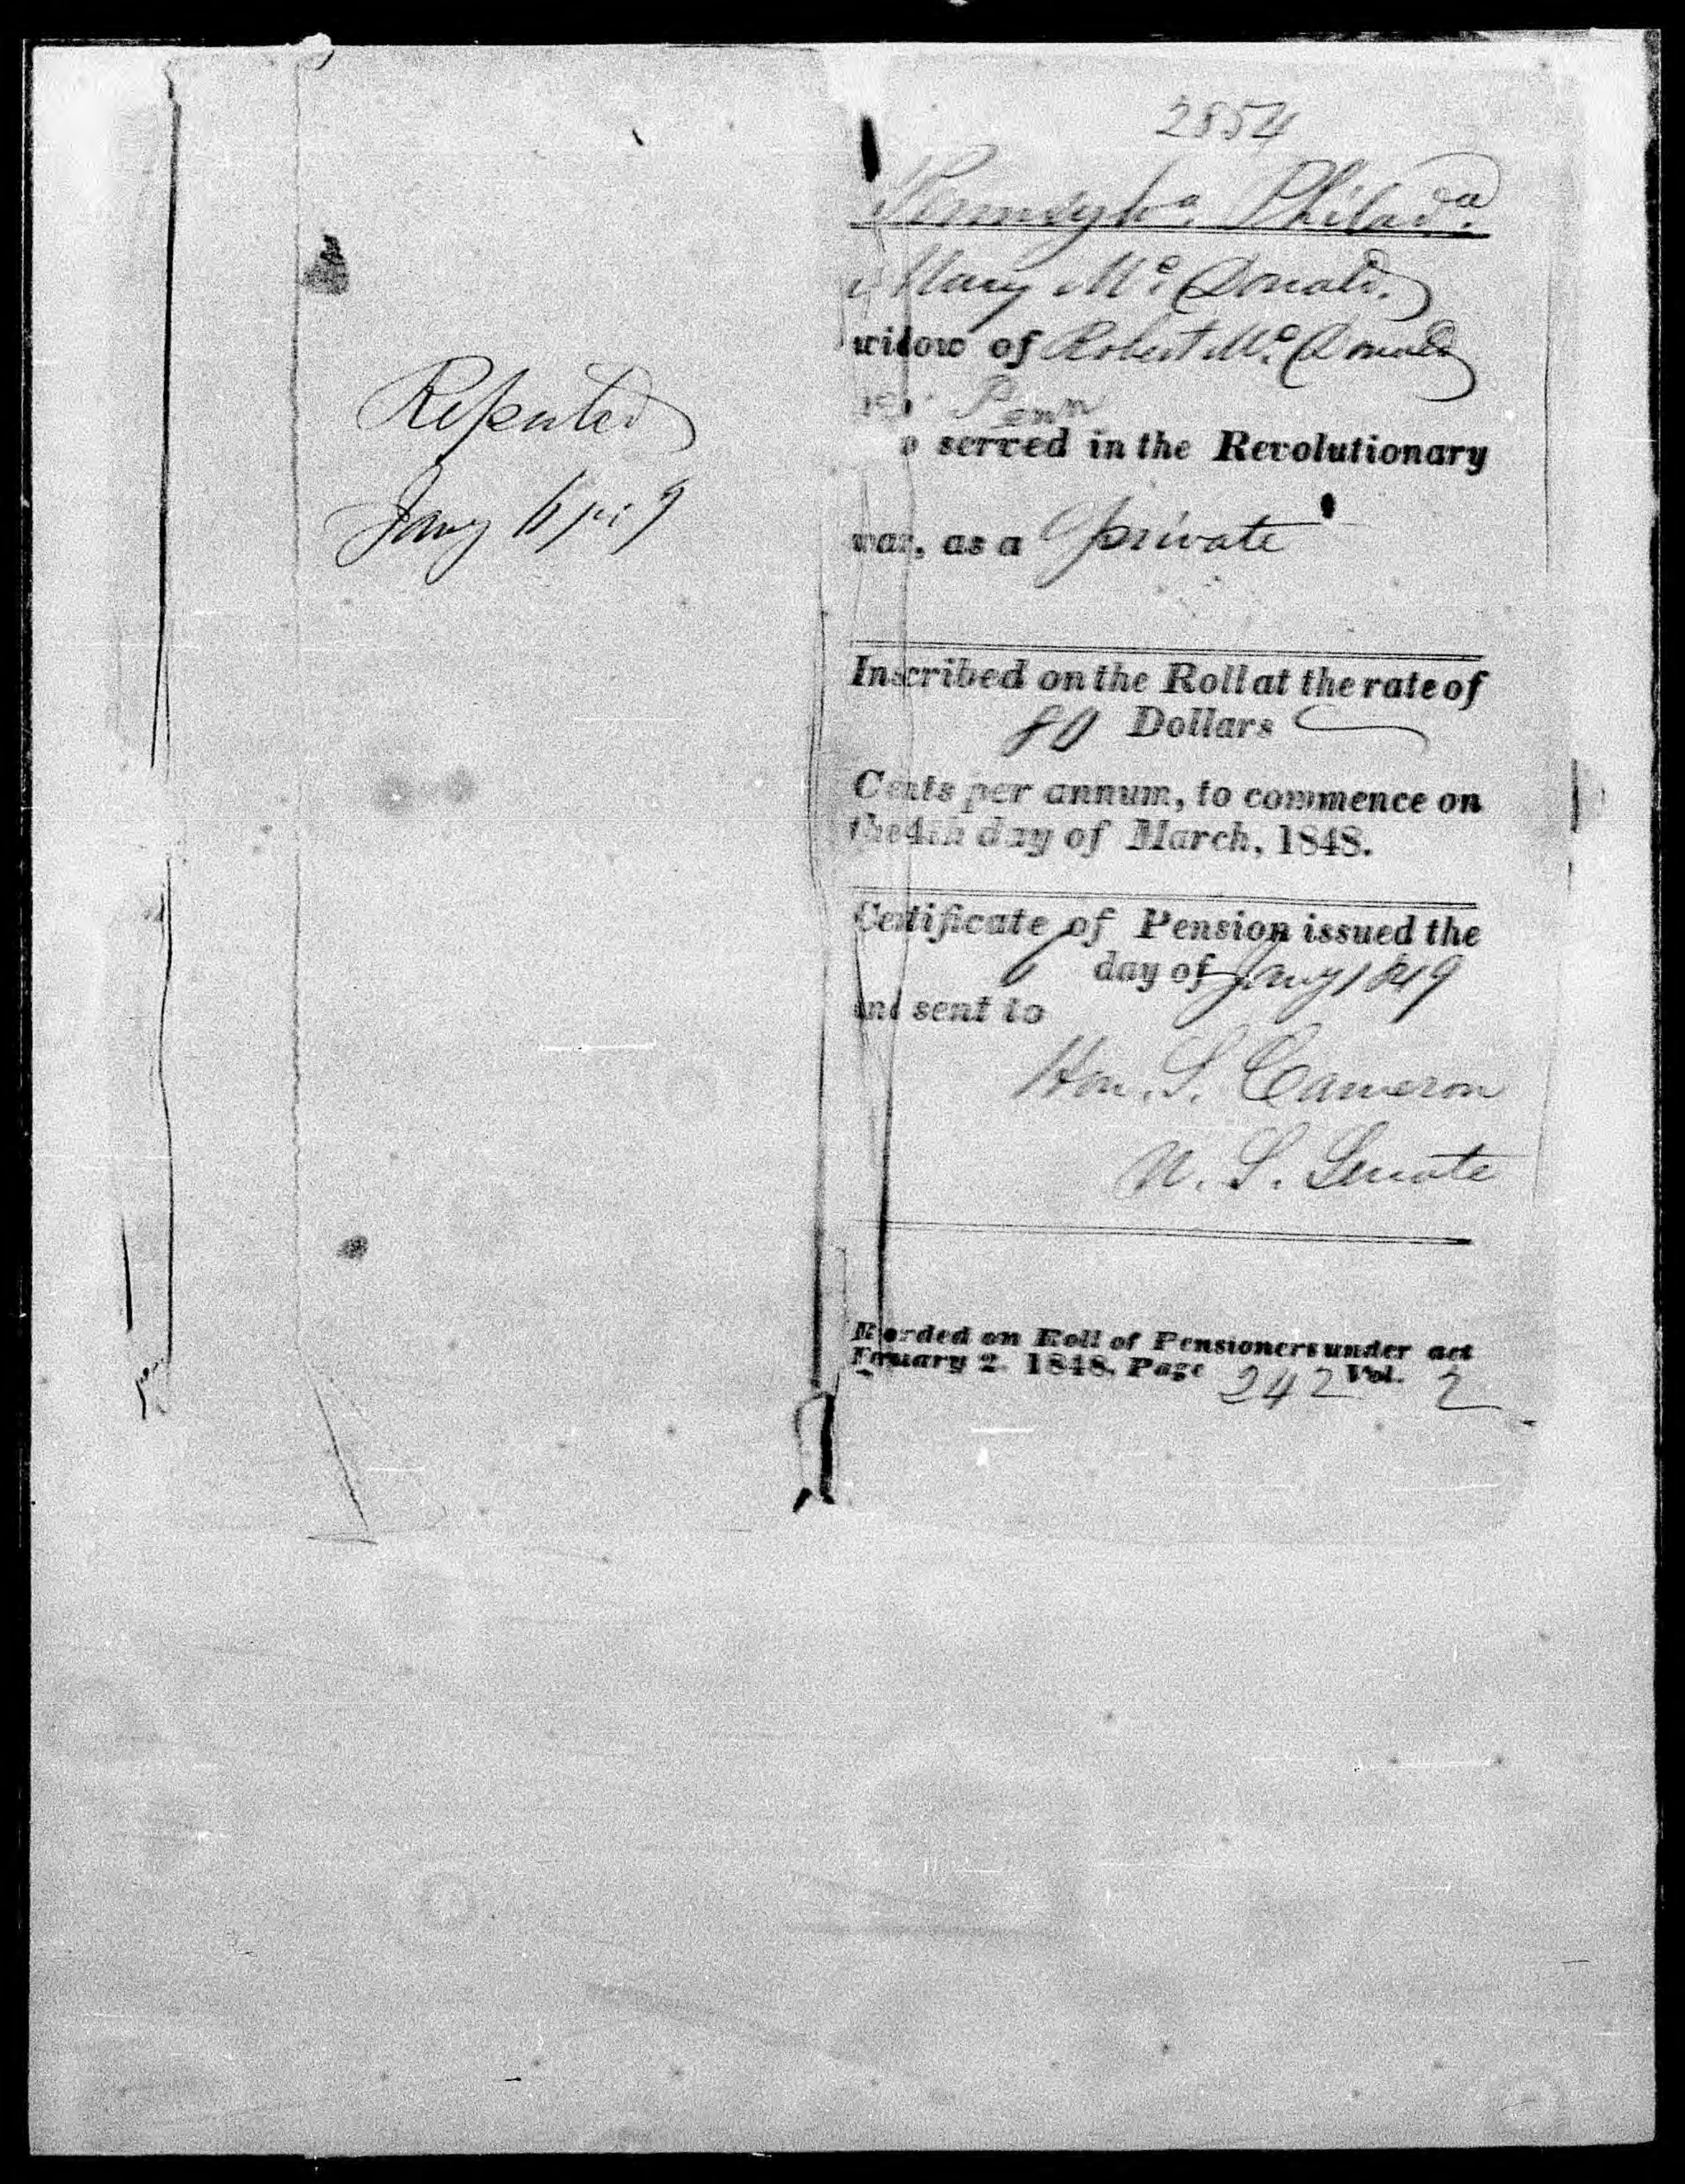Rejected January 6 [illegible]

[printed form, blanks filled by hand]

2854
Pennsylv'a Philad'a
====================
Mary McDonald,
widow of Robert McDonald of Penn
who served in the Revolutionary war as a Private 
====================
Inscribed on the Roll at the rate of 
80 dollars --- Cents per annum, to commence on 
the 4th day of March, 1848.
====================
Certificate of Pension issued the 
6 day of January 1849 
and sent to 
Hon. L Cameron 
N. J. Senate
====================
Recorded on Roll of Pensioners under act 
February 2, 1848, Page 242 Vol 2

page: 3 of 59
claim: widow's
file: W 3703, for Robert Mc Donald, Pennsylvania